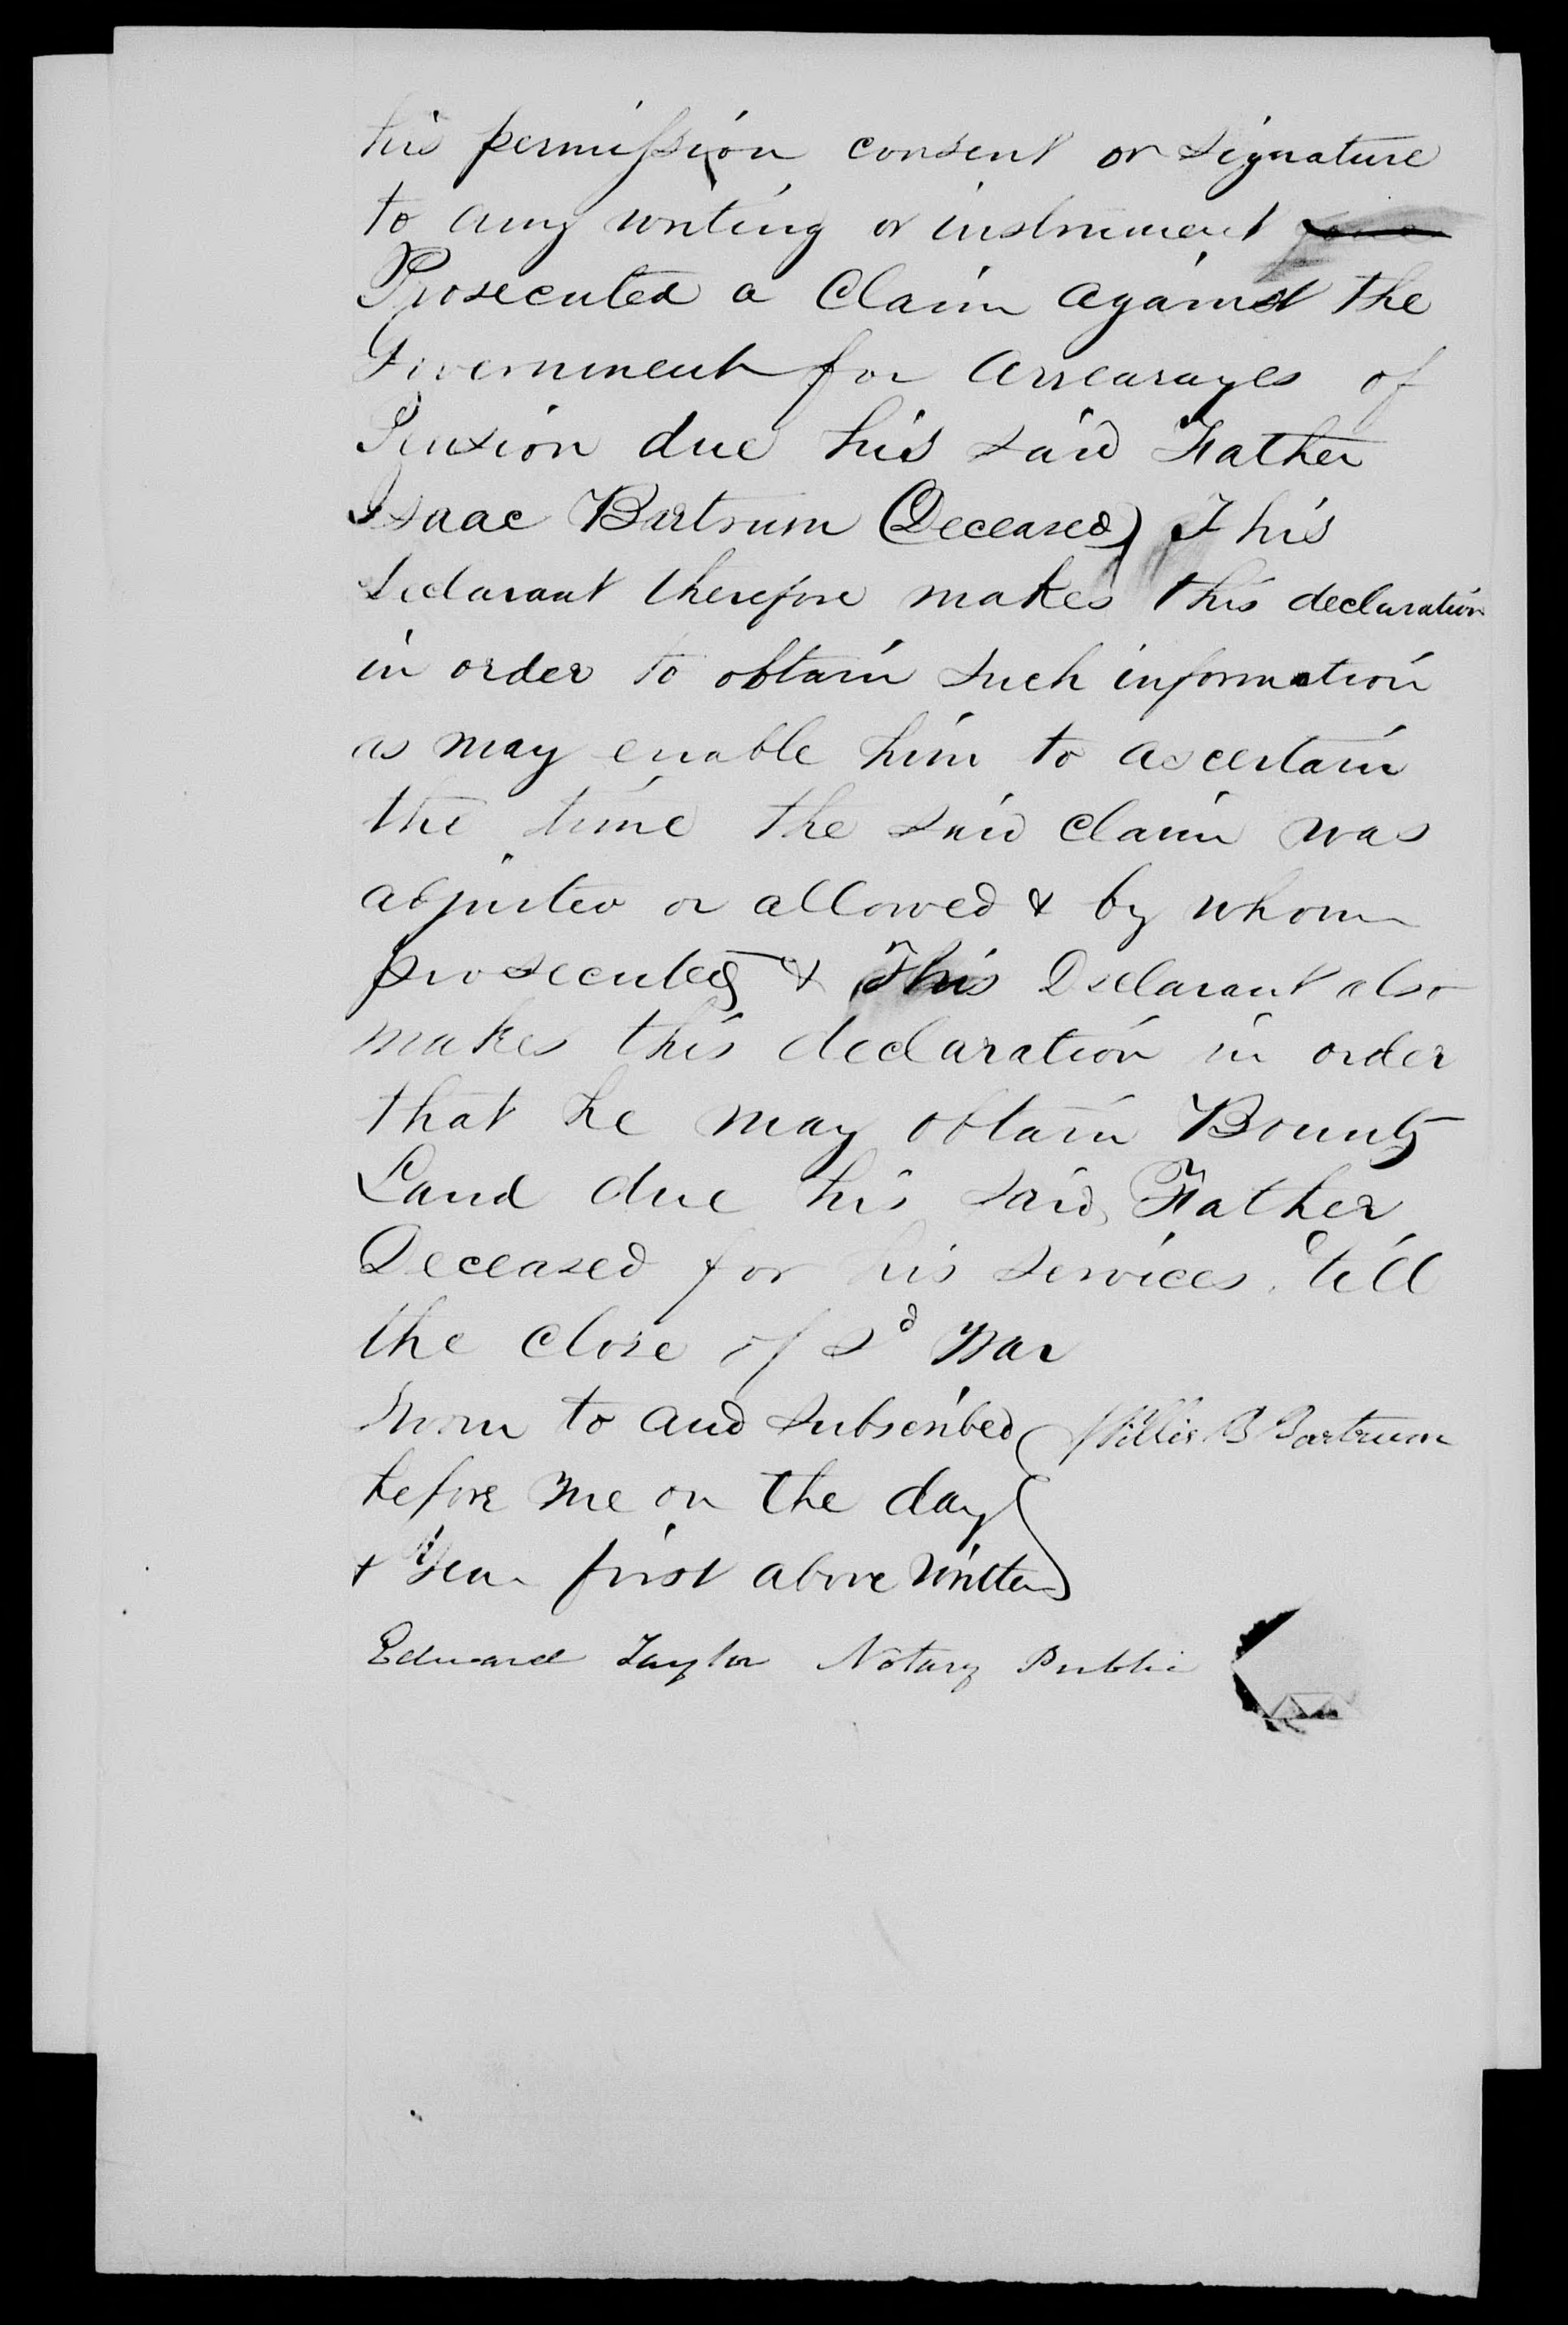his permission consent or signature
to any writing or instrument
Prosecuted a claim against the
Government for arrearages of
Pension due his said Father
Isaac Bartrum (Deceased ) This
declarant therefore makes this declaration
in order to obtain such information
as may enable him to ascertain
the time the said claim was
adjusted or allowed & by whom
prosecuted & this Declarant also
makes this declaration in order
that he may obtain Bounty
Land due his said Father
Deceased for his services, till
the close of sd War
Sworn to and subscribed
before me on the day
& year first above written

Willis B Bartram

Edward Taylor Notary Public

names: Edward Taylor, Willis B Bartrum, Isaac Bartrum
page: 15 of 39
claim: survivor's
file: S. 12110, Isaac Bartram, Continental (Conn)